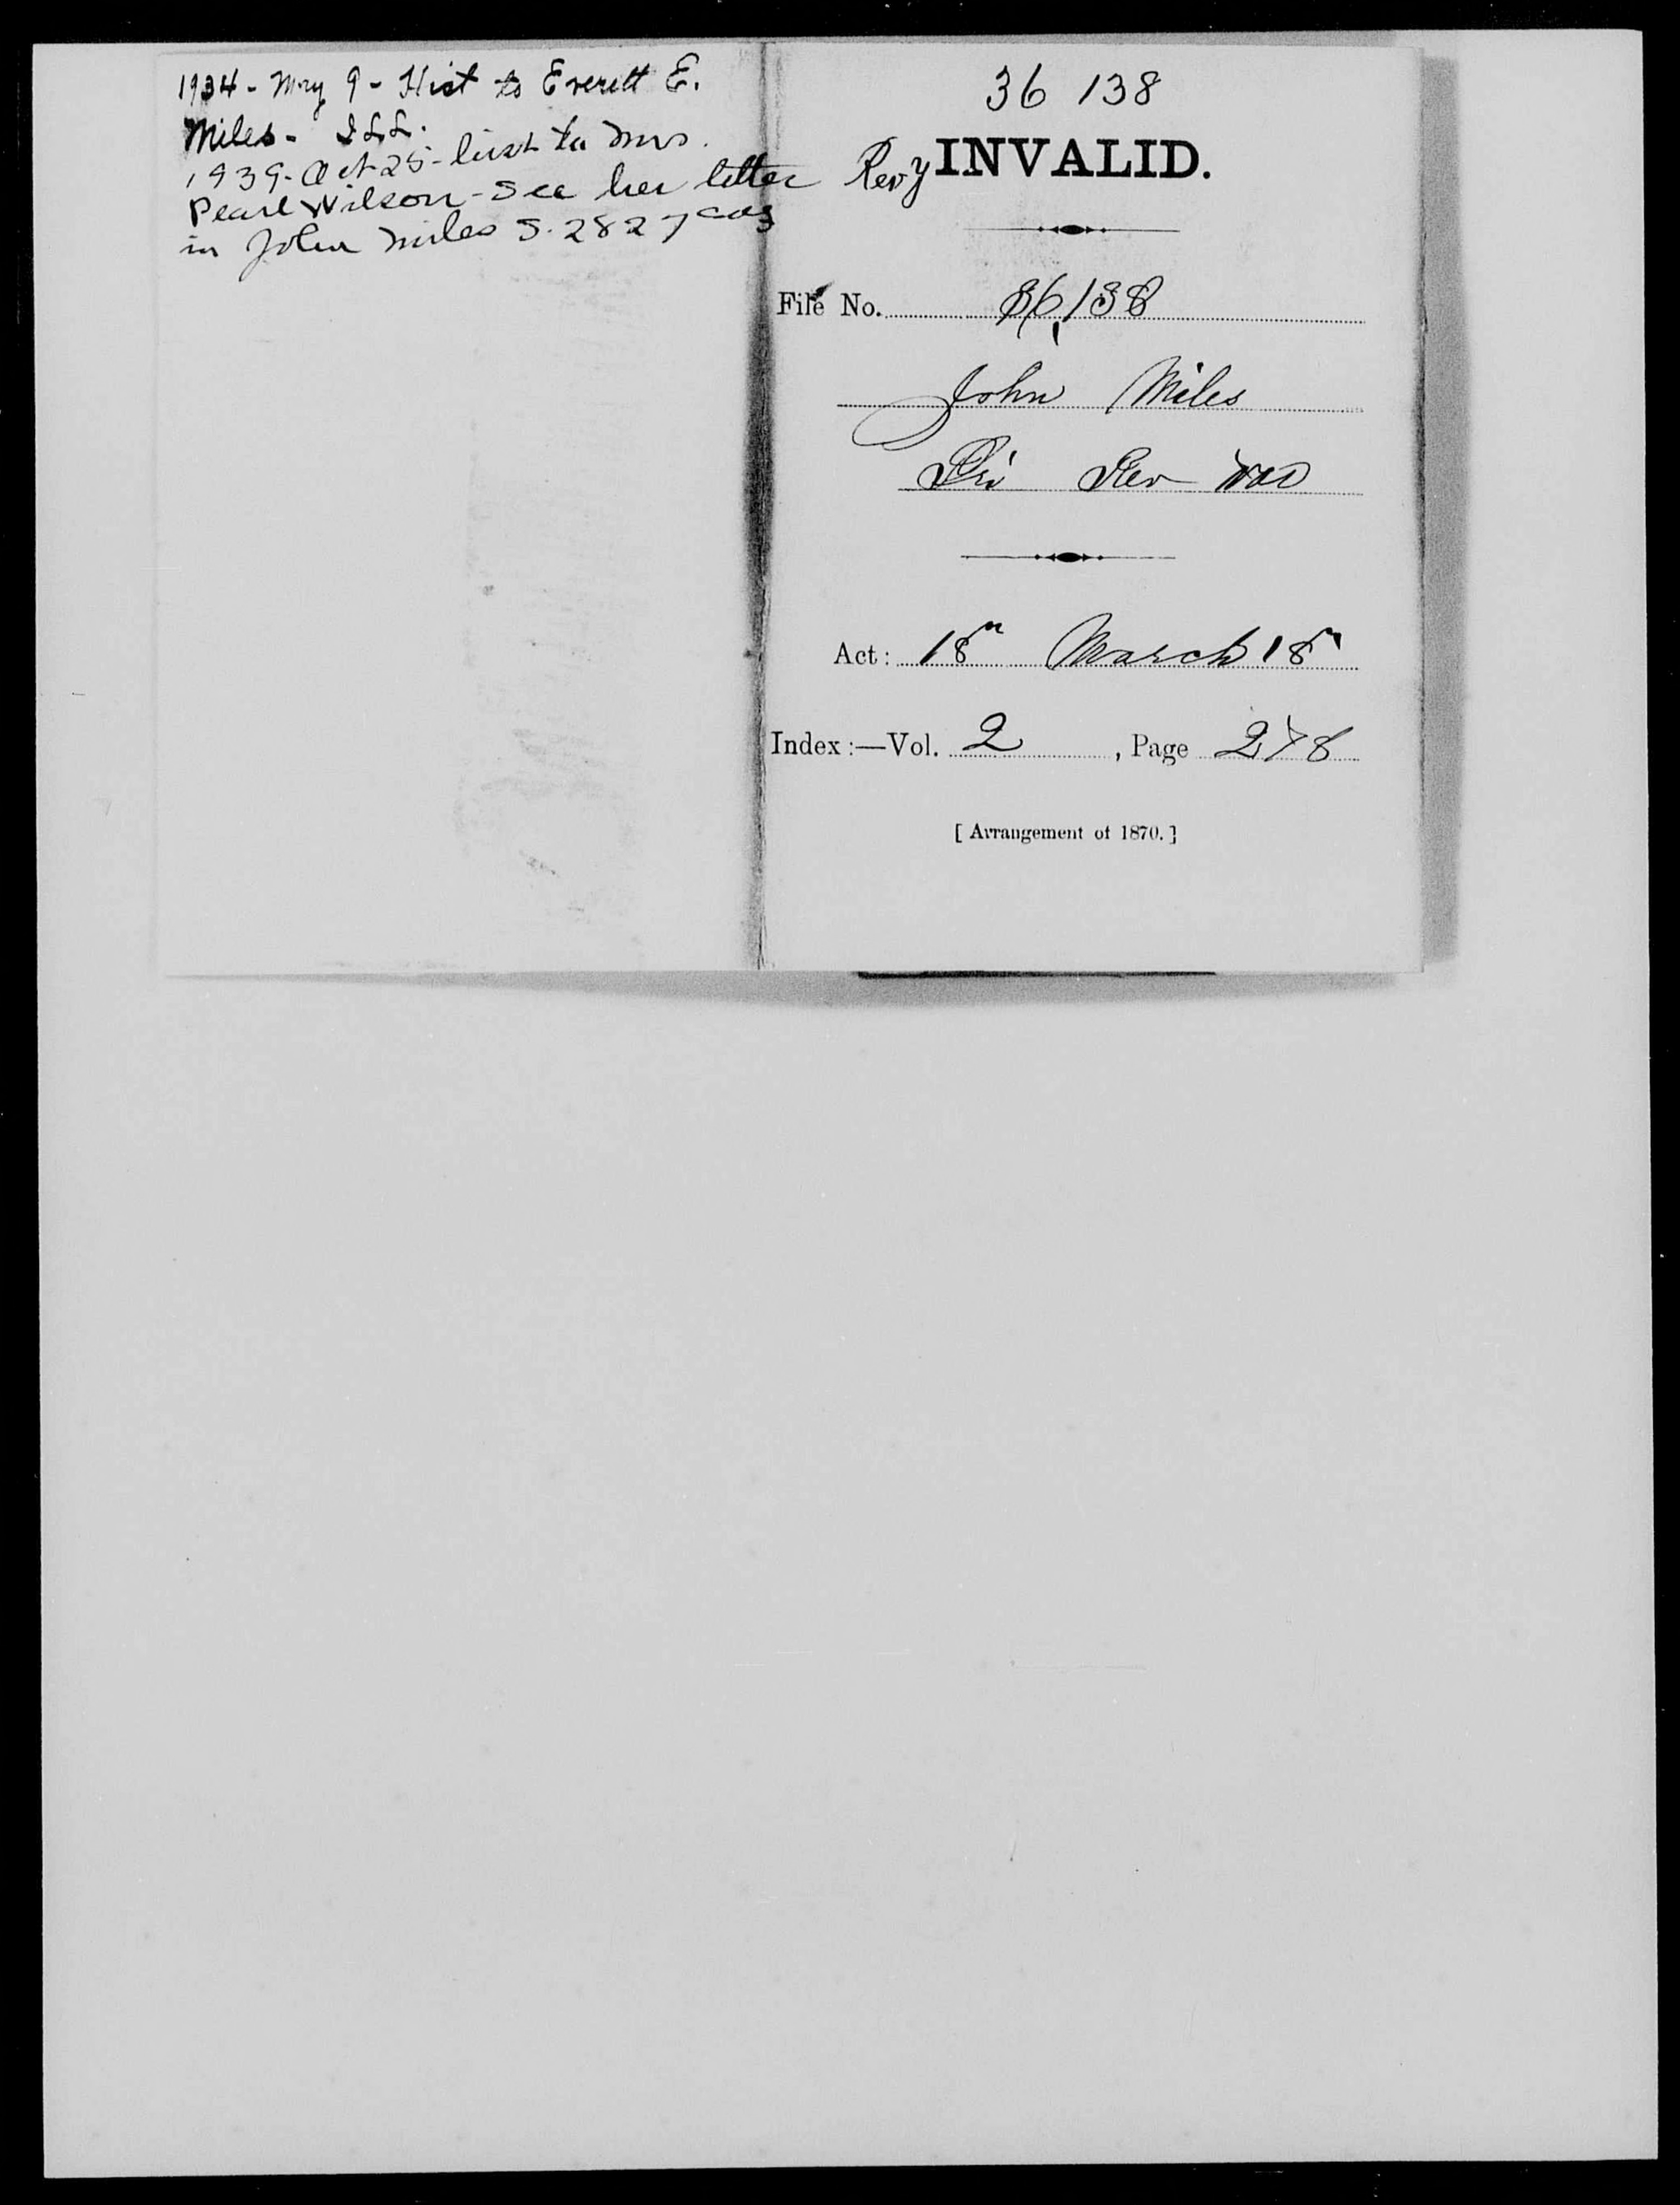Left Side Page

1934 May 9 - Hist to Everett E. Miles - ILL
1939 Oct 25 - List to Mrs. Pearl Wilson - see her letter in John miles S.2827

Right Side Page

36138
Revy
INVALID

File No 36138
John Miles
Pri Rev War

Act 18 March '18

Index Vol 2 Page 278

[Arrangement of 1870.]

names: John Miles; Pearl Wilson; Everett E Miles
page: 21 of 24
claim: survivor's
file: S 36138, for John Miles, Maryland